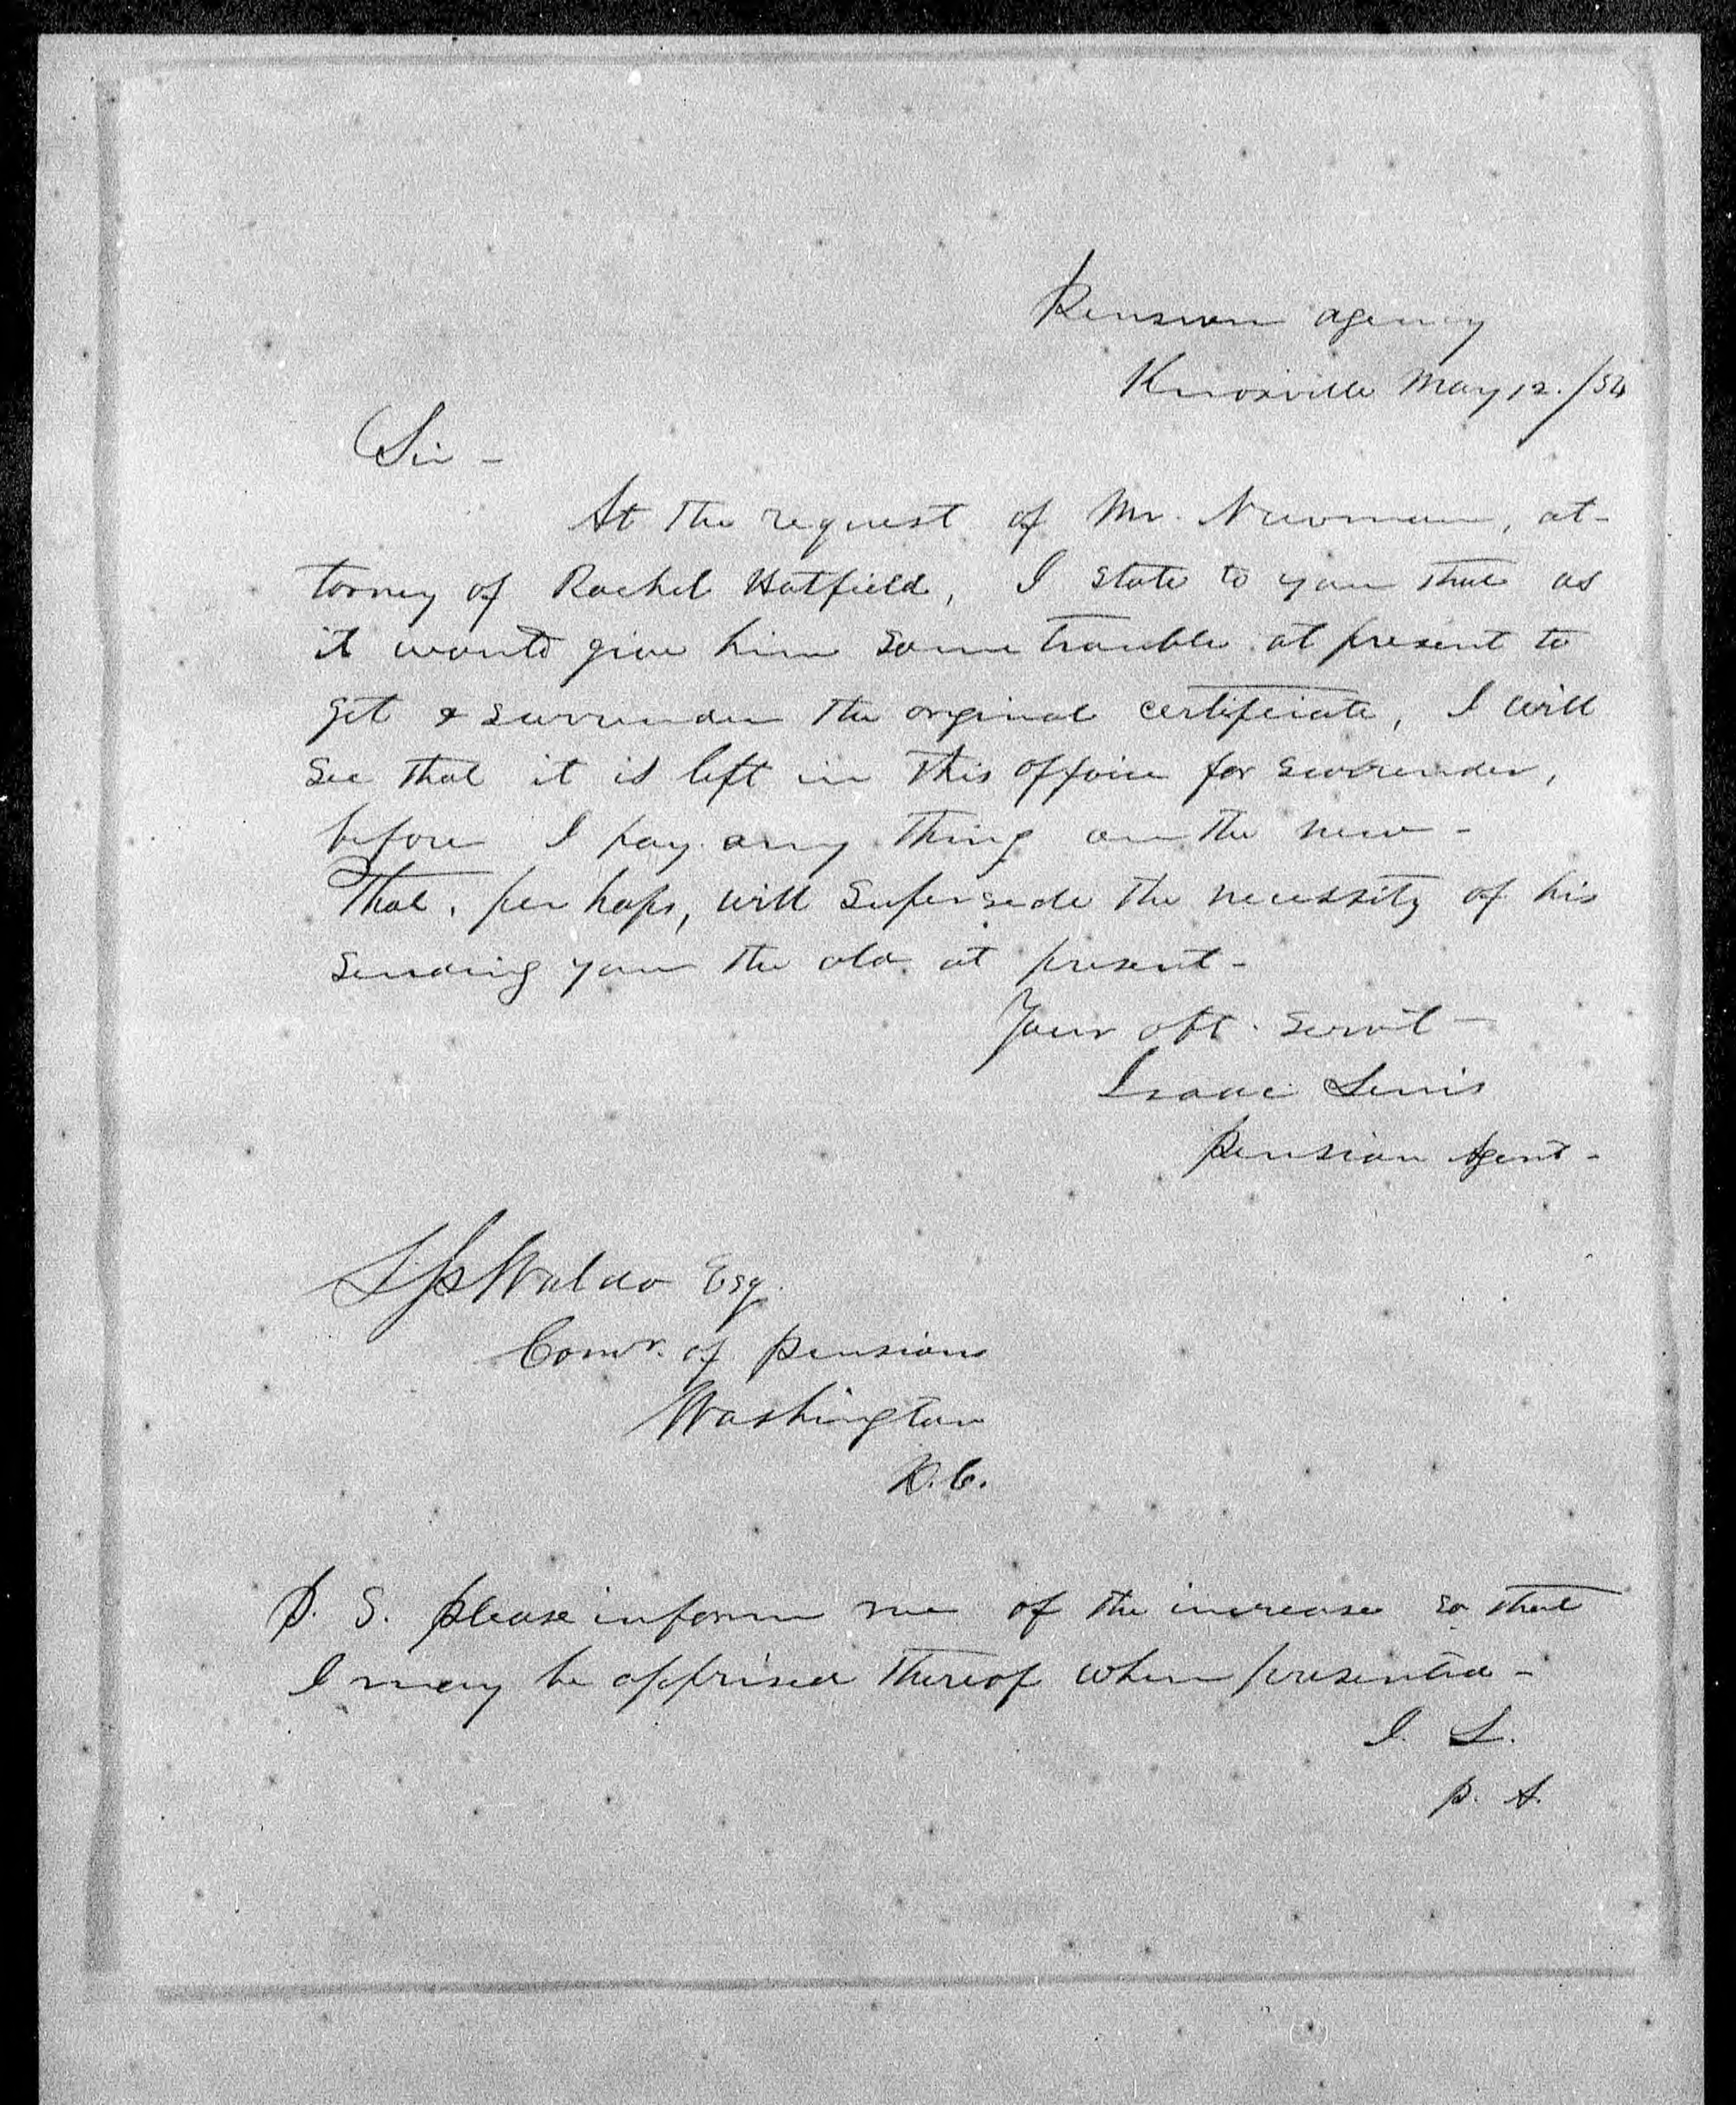Pension Agency
Knoxville May 12/54
Sir -
At the request of Mr. Newman, attorny of Rachel Hatfield, I state to you that as
it would give him some trouble, at present to
get & surrender the original certificate, I will
see that it is left in this office for surrender,
before I pay any thing on the new-
That, perhaps, will Supersede the necessity of his sending you the old at present -
Your obt. Servt
Isaac Lewis
Pension Agent.

L P Waldo Esq.
Comr. of Pensions
Washington
D.C.

P.S. please inform me of the increase so that
I may be apprised thereof when presented -
I.L.
P.A.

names: Newman, Rachel Hatfield, L P Waldo, Isaac Lewis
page: 12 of 74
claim: widow's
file: W. 5, Joseph Hatfield, Va.